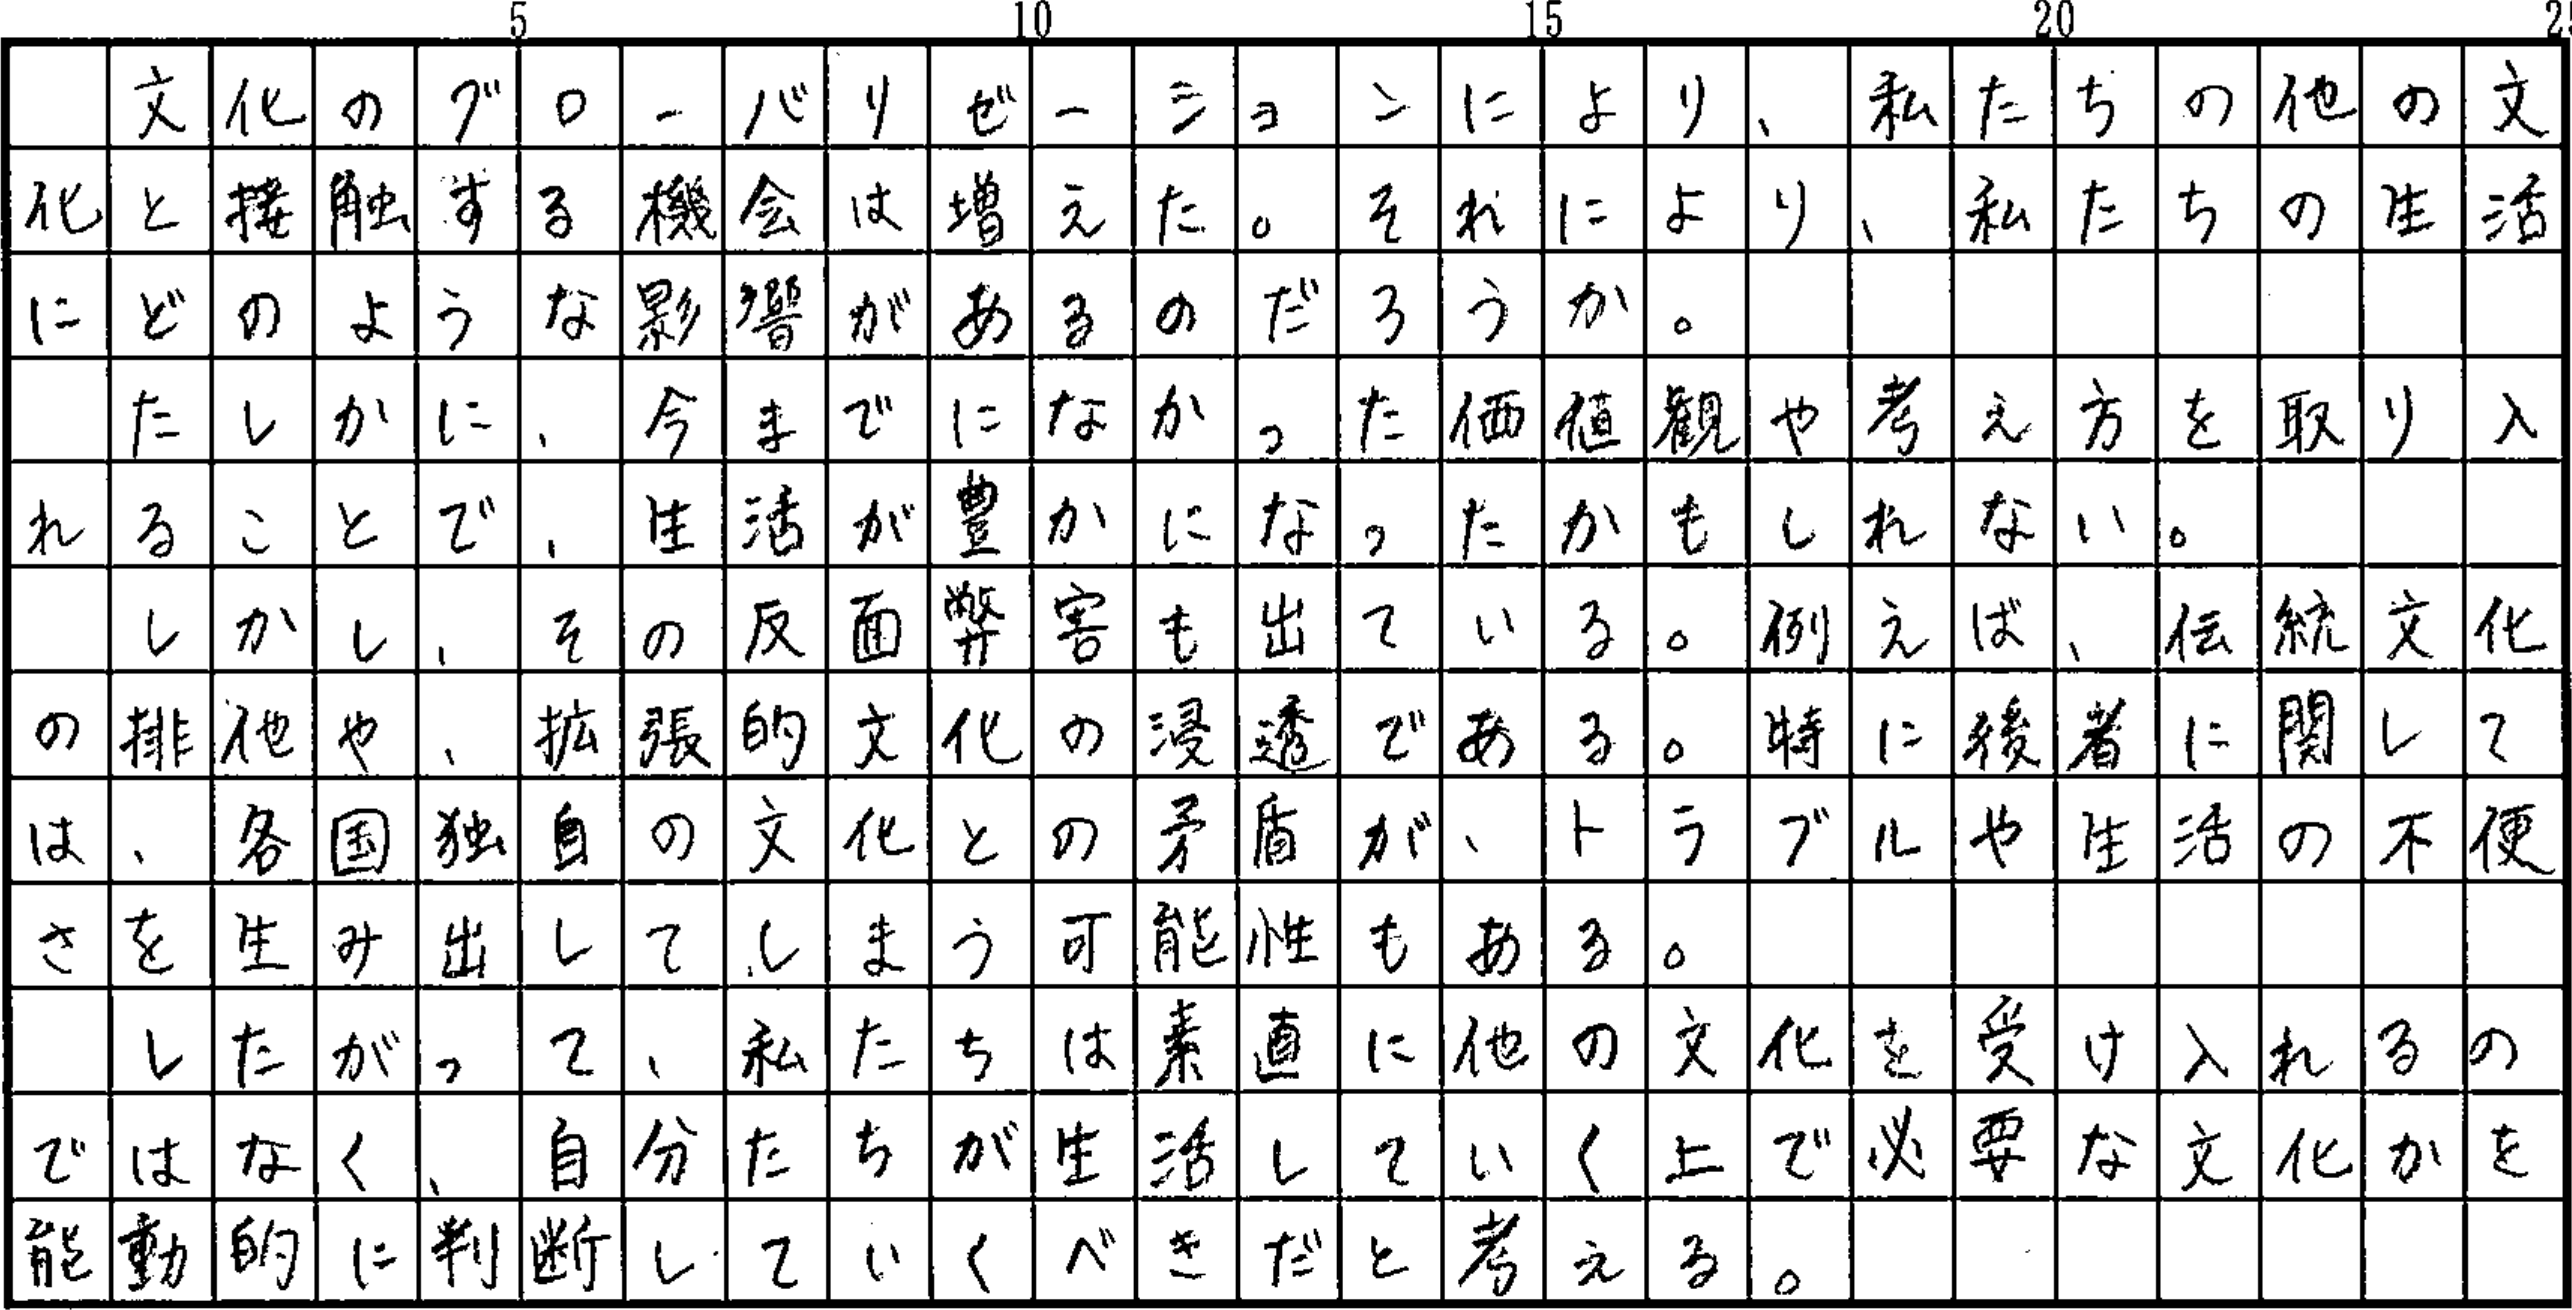　文化のグローバリゼーションにより、私たちの他の文化と接触する機会は増えた。それにより、私たちの生活にどのような影響があるのだろうか。
　たしかに、今までになかった価値観や考え方を取り入れることで、生活が豊かになったかもしれない。
　しかし、その反面弊害も出ている。例えば、伝統文化の排他や、拡張的文化の浸透である。特に後者に関しては、各国独自の文化との矛盾が、トラブルや生活の不便さを生み出していしまう可能性もある。
　したがって、私たちは素直に他の文化を受け入れるのではなく、自分たちが生活していく上で必要な文化かを能動的に判断していくべきだと考える。
